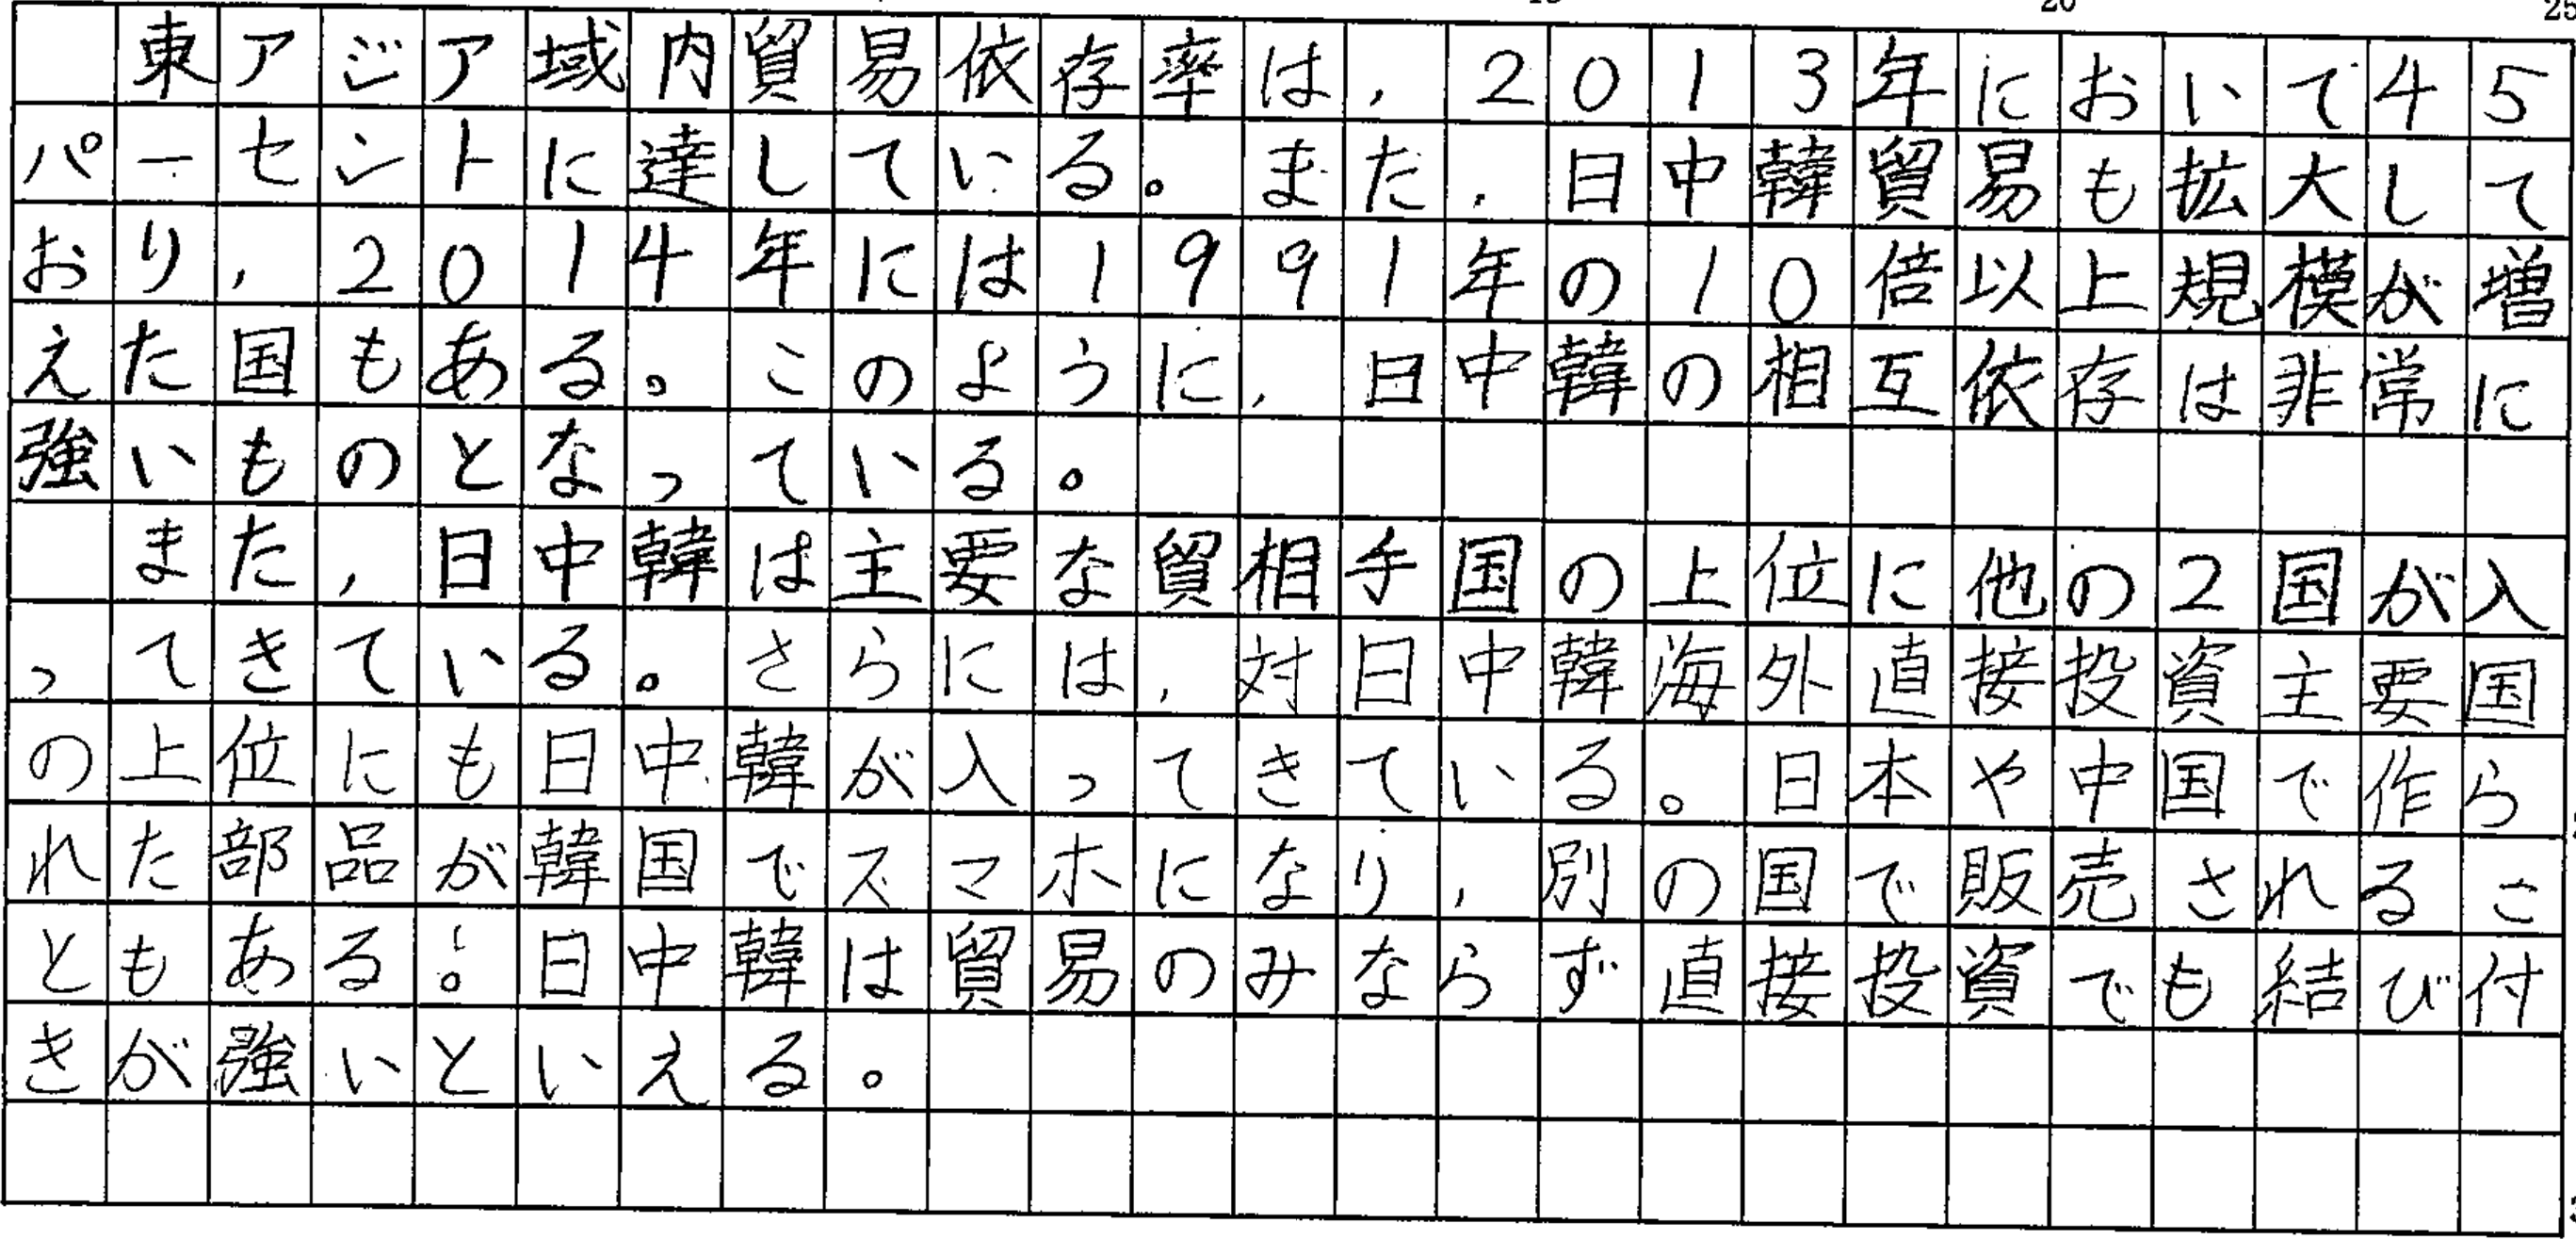　東アジア域内貿易依存率は，２０１３年において４５パーセントに達している。また，日中韓貿易も拡大しており，２０１４年には１９９１年の１０倍以上規模が増えた国もある。このように，日中韓の相互依存は非常に強いものとなっている。
　また，日中韓は主要な貿相手国の上位に他の２国が入ってきている。さらには，対日中韓海外直接投資主要国の上位にも日中韓が入ってきている。日本や中国で作られた部品が韓国でスマホになり，別の国で販売されることもある。日中韓は貿易のみならず直接投資でも結び付きが強いといえる。
